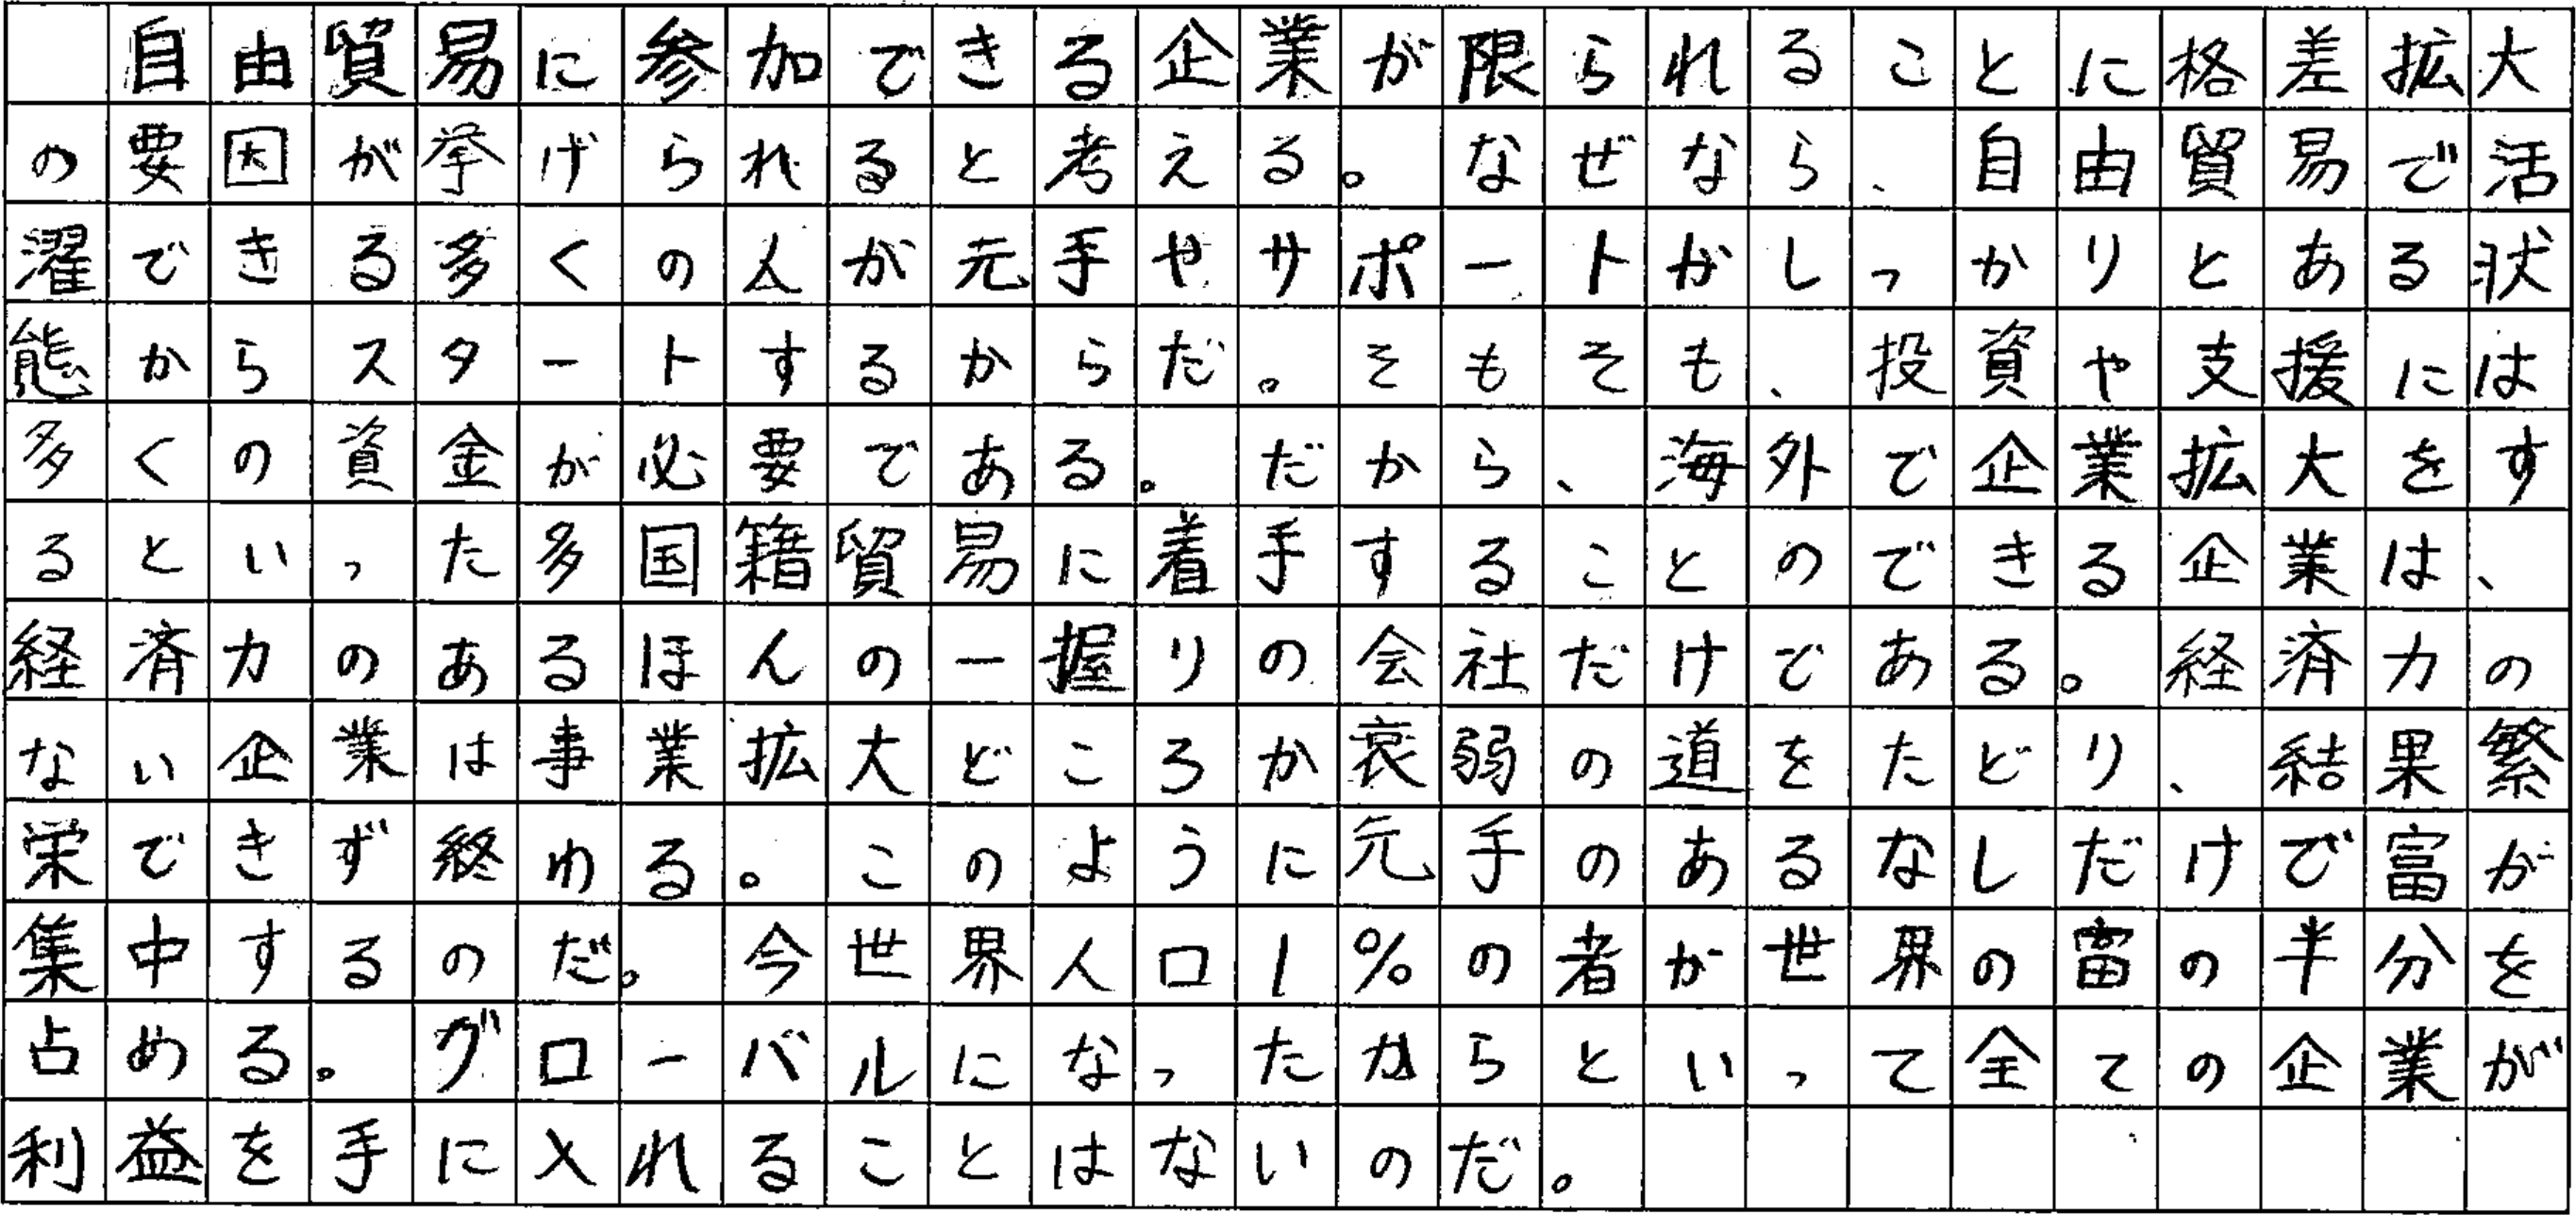　自由貿易に参加できる企業が限られることに格差拡大の要因が挙げられると考える。なぜなら、自由貿易で活濯できる多くの人が元手やサポートがしっかりとある状態からスタートするからだ。そもそも、投資や支援には多くの資金が必要である。だから、海外で企業拡大をするといった多国籍貿易に着手することのできる企業は、経済力のあるほんの一握りの会社だけである。経済力のない企業は事業拡大どころか衰弱の道をたどり、結果繁栄できず終わる。このように元手のあるなしだけで富が集中するのだ。今世界人口の１％の者が世界の富の半分を占める。グローバルになったからといって全ての企業が利益を手に入れることはないのだ。
